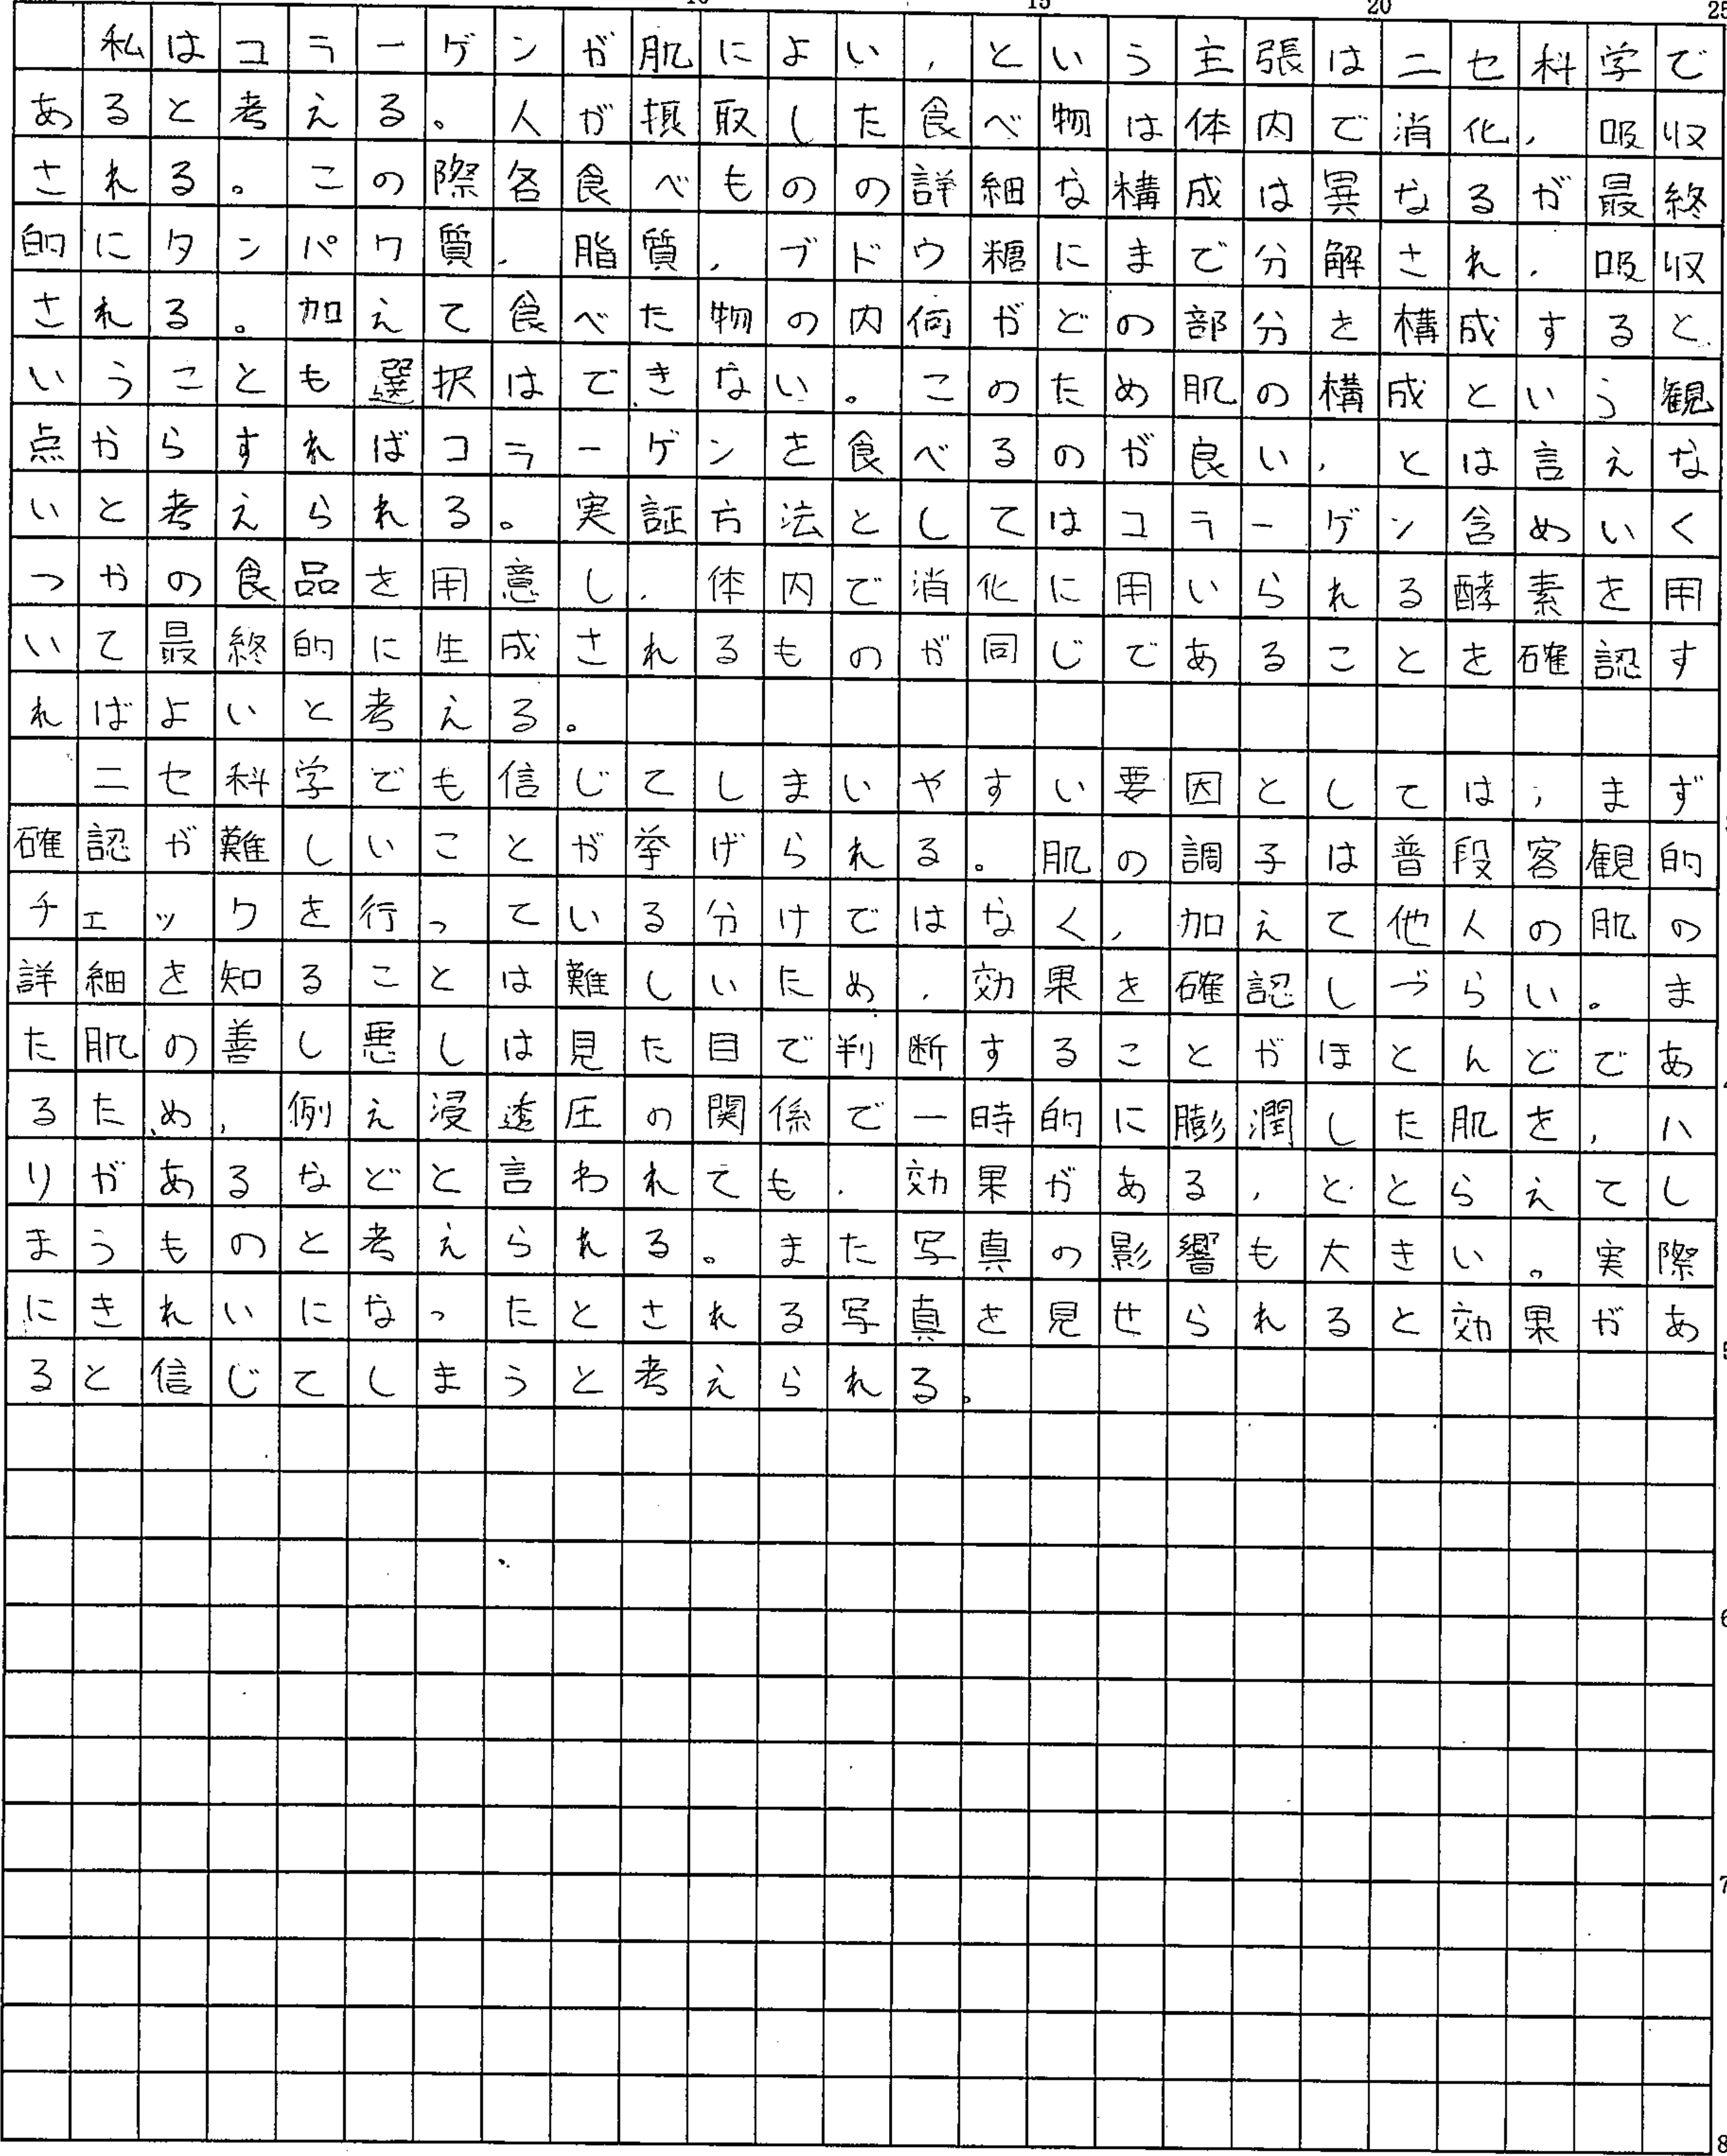　私はコラーゲンが肌によい、という主張はニセ科学であると考える。人が摂取した食べ物は体内で消化、吸収される。この際各食べものの詳細な構成は異なるが最終的にタンパク質、脂質、ブドウ糖にまで分解され、吸収される。加えて食べた物の内何がどの部分を構成するということも選択はできない。このため肌の構成という観点からすればコラーゲンを食べるのが良い、とは言えないと考えられる。実証方法としてはコラーゲン含めいくつかの食品を用意し、体内で消化に用いられる酵素を用いて最終的に生成されるものが同じであることを確認すればよいと考える。
　ニセ科学でも信じてしまいやすい要因としては、まず確認が難しいことが挙げられる。肌の調子は普段客観的チェックを行っている分けではなく、加えて他人の肌の詳細を知ることは難しいため、効果を確認しづらい。また肌の善し悪しは見た目で判断することがほとんどであるため、例え浸透圧の関係で一時的に膨潤した肌を、ハリがあるなどと言われても、効果がある、ととらえてしまうものと考えられる。また写真の影響も大きい。実際にきれいになったとされる写真を見せられると効果があると信じてしまうと考えられる。
